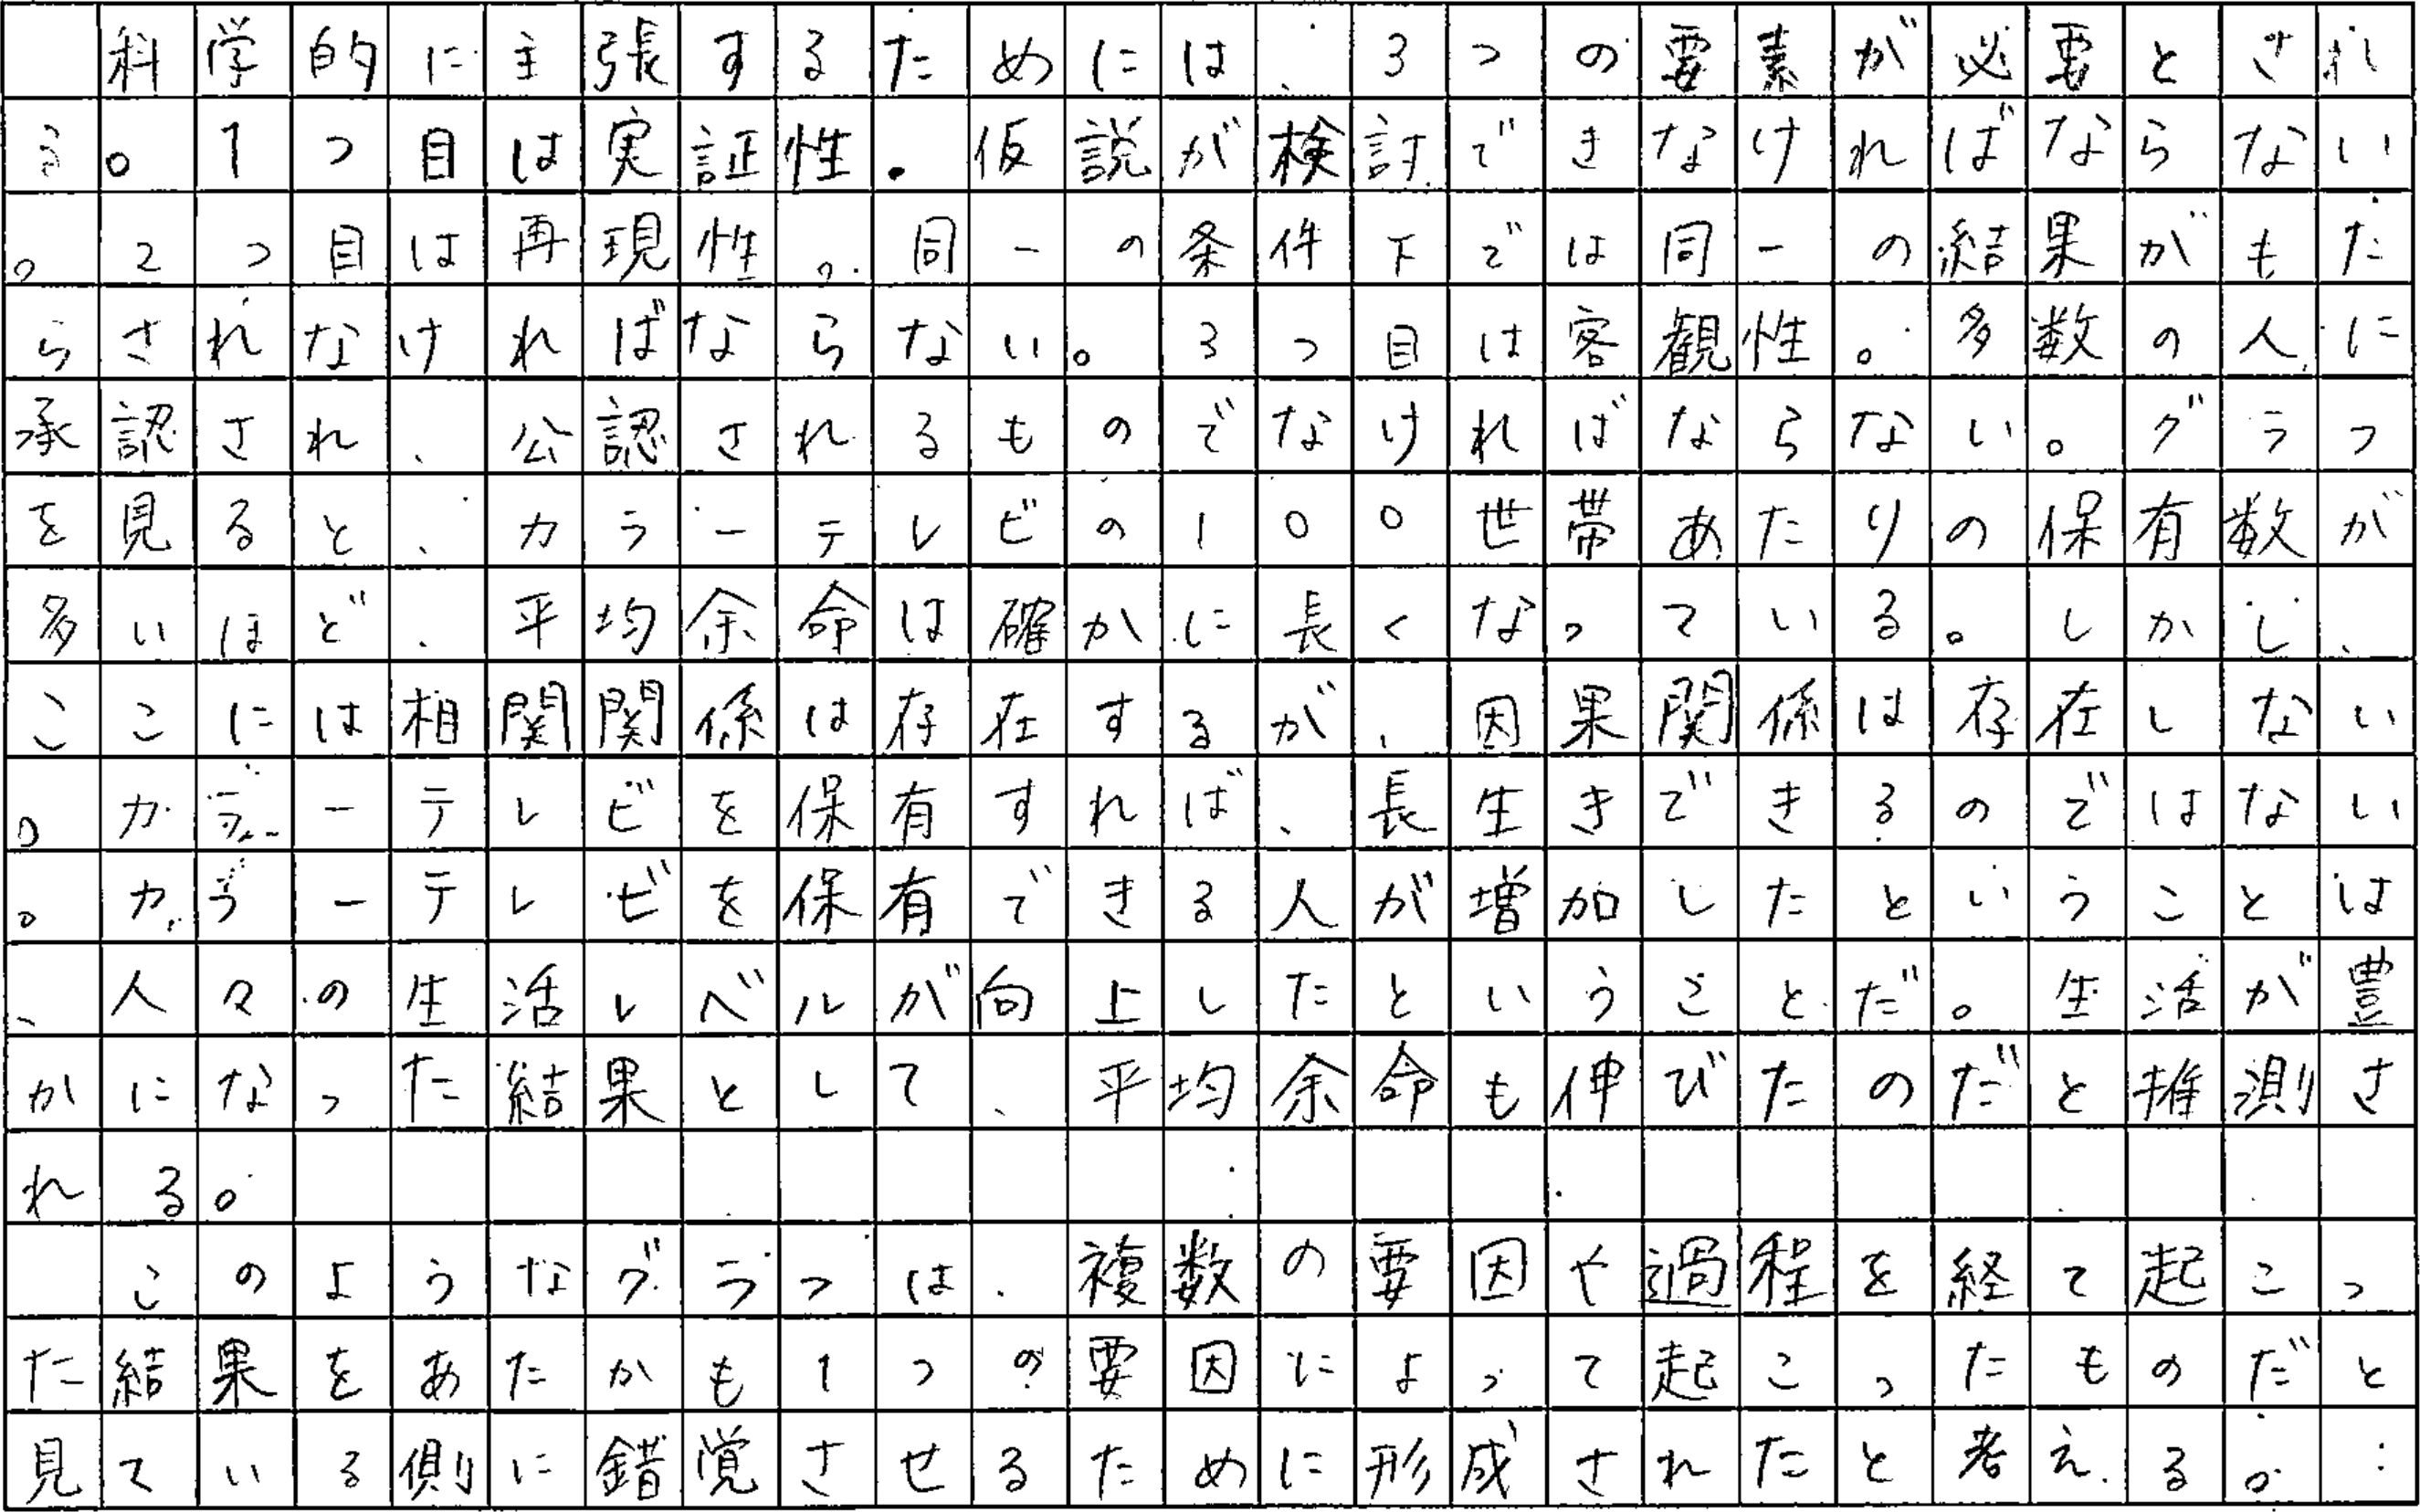　科学的に主張するためには、３つの要素が必要とされる。１つ目は実証性。仮説が検討できなければならない。２つ目は再現性。同一の条件下では同一の結果がもたらされなければならない。３つ目は客観性。多数の人に承認され、公認されるものでなければならない。グラフを見ると、カラーテレビの１００世帯あたりの保有数が多いほど、平均余命は確かに長くなっている。しかし、ここには相関関係は存在するが、因果関係は存在しない。カラーテレビを保有すれば、長生きできるのではない。カラーテレビを保有できる人が増加したということは、人々の生活レベルが向上したということだ。生活が豊かになった結果として、平均余命も伸びたのだと推測される。
　このようなグラフは、複数の要因や過程を経て起こった結果をあたかも１つの要因によって起こったものだと見ている側に錯覚させるために形成されたと考える。
